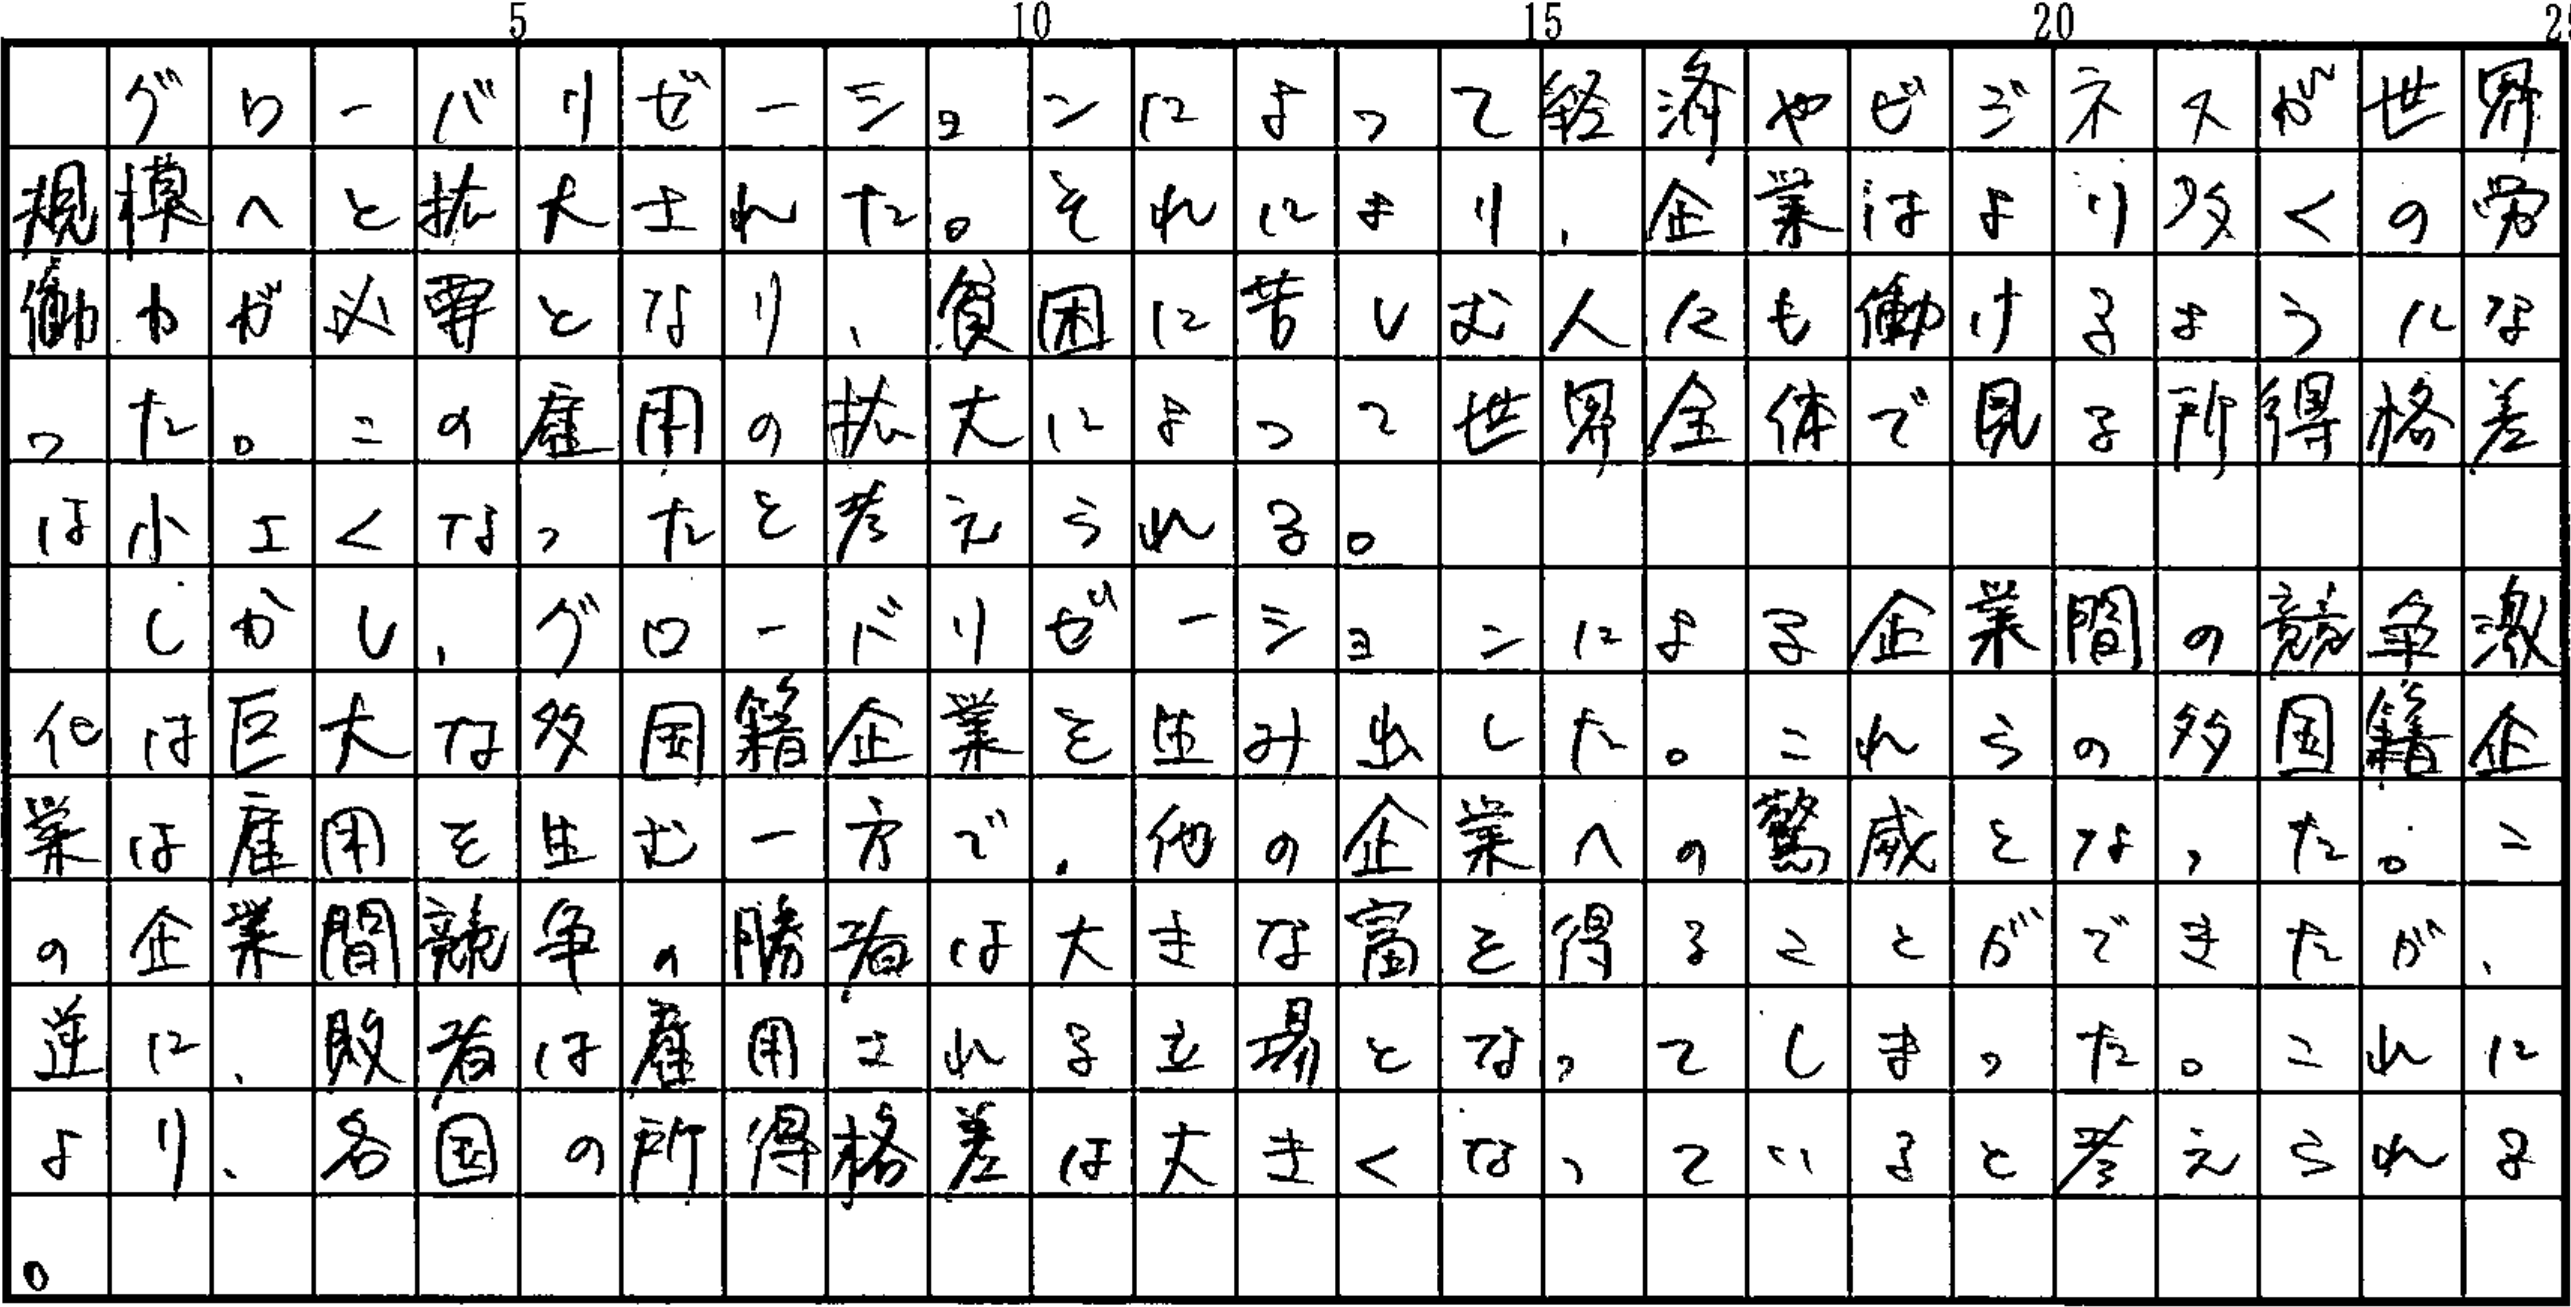　グローバリゼーションによって経済やビジネスが世界規模へと拡大された。それにより、企業はより多くの労働力が必要となり、貧困に苦しむ人々も働けるようになった。この雇用の拡大によって世界全体で見る所得格差は小さくなったと考えられる。
　しかし、グローバリゼーションによる企業間の競争激化は巨大な多国籍企業を生み出した。これらの多国籍企業は雇用を生む一方で、他の企業への驚威となった。この企業間競争の勝者は大きな富を得ることができたが、逆に、敗者は雇用される立場となってしまった。これにより、各国の所得格差は大きくなっていると考えられる。
